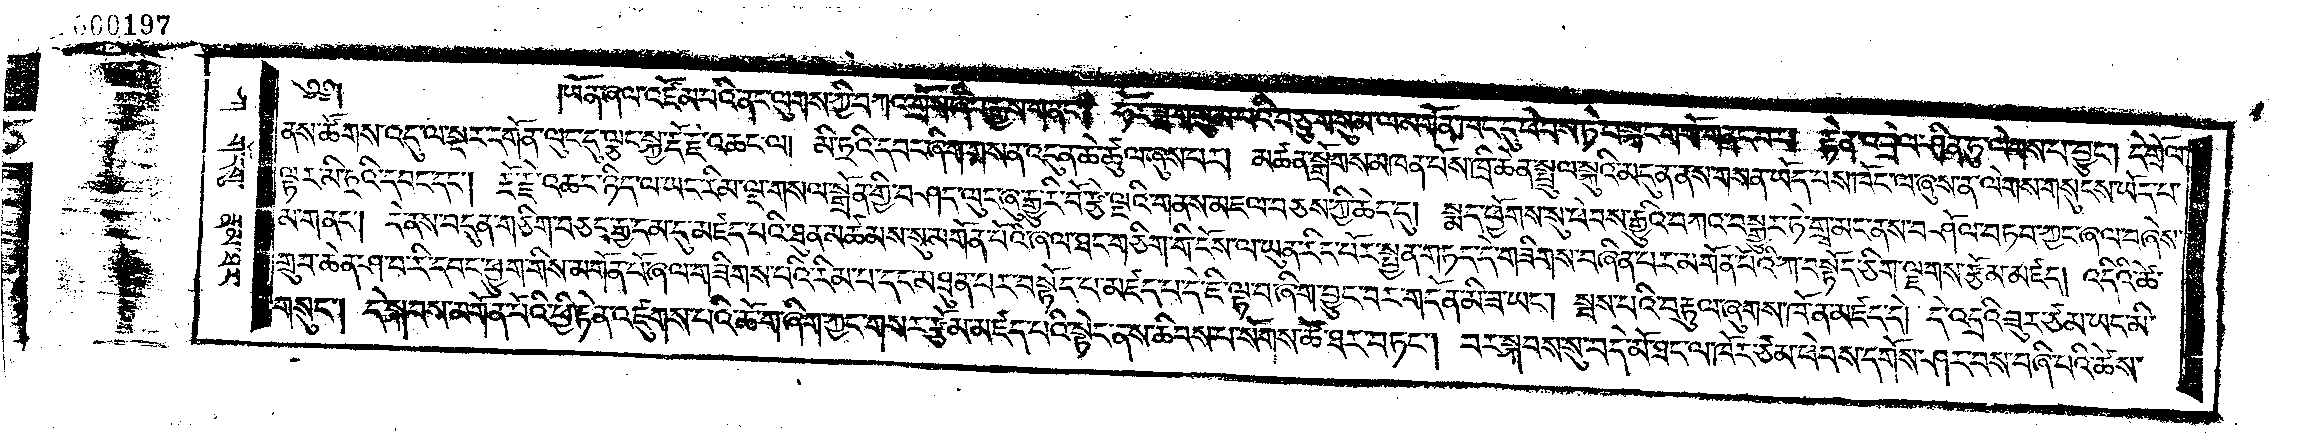༄༅། །ཡོན་ཞལ་འཛོམ་པའི་ནང་ལུགས་ཀྱི་བཀའ་གྲོས་ཞིབ་རྒྱས་གནང་། ཧོར་ཟླ་གསུམ་པའི་བཅུ་གསུམ་ལ་མགོན་ཁང་དུ་ཕེབས་ཏེ་བསྐང་གསོ་གནང་བར། རྟེན་འབྲེལ་ཤིན་ཏུ་ལེགས་པ་བྱུང་། དེ་གྲོལ་
ནས་ཚོགས་འདུ་ལ་སྔར་དགོན་ལུང་དུ་ལྕང་སྐྱ་རྡོ་རྗེ་འཆང་ལ། མི་ཏྲའི་དབང་ཞིག་གསན་འདུན་ཆེ་ཚུལ་ཞུས་པར། མཚན་སྒྲོགས་མཁན་པོས་ཁྲི་ཆེན་སྤྲུལ་སྐུའི་མདུན་ནས་གསན་ཡོད་པས་ཁོང་ལ་ཞུས་ན་ལེགས་གསུངས་ཡོད་པ་
ལྟར་མི་ཏྲའི་དབང་དང་། རྡོ་རྗེ་འཆང་ཉིད་ལ་ཡང་རིམ་ལྔ་གསལ་སྒྲོན་གྱི་བཤད་ལུང་ཞུ་རྒྱུ་རི་བོ་རྩེ་ལྔའི་གནས་མཇལ་བཅས་ཀྱི་ཆེད་དུ། སྨད་ཕྱོགས་སུ་ཕེབས་རྒྱུའི་བཀའ་བསྒྱུར་ཏེ་གྲྭ་མང་ནས་བཤོལ་བཏབ་ཀྱང་ཞལ་བཞེས་
མ་གནང་། དེ་ནས་བདུན་གཅིག་བཅད་རྒྱ་དམ་དུ་མཛད་པའི་ཐུན་མཚམས་སུ་མགོན་པོའི་ཞལ་ཐང་གཅིག་གི་ངོས་ལ་ཡུན་རིང་པོར་སྤྱན་གཏད་དེ་གཟིགས་བཞིན་པར་མགོན་པོའི་ཀ་བསྟོད་ཅིག་ལྗགས་རྩོམ་མཛད། འདིའི་ཚེ་
གྲུབ་ཆེན་ཤ་བ་རི་དབང་ཕྱུག་གིས་མགོན་པོ་ཞལ་གཟིགས་པའི་རིམ་པ་དང་མཐུན་པར་བསྟོད་པ་མཛད་པ་དེ་ཇི་ལྟ་བ་ཞིག་བྱུང་བར་གདོན་མི་ཟ་ཡང་། སྦས་པའི་བརྟུལ་ཞུགས་ཁོ་ན་མཛད་དེ། དེ་འདྲའི་ཟུར་ཙམ་ཡང་མི་
གསུང་། དེ་སྐབས་མགོན་པོའི་ཕྱིར་རྟེན་འཛུགས་པའི་ཆོ་ག་ཞིག་ཀྱང་གསར་རྩོམ་མཛད་པའི་སྟེང་ནས་ཆིབས་པ་སོགས་ཚེ་ཐར་བཏང་། བར་སྐབས་སུ་བདེ་མོ་ཐང་ལ་ཁོར་ཙམ་ཕེབས་དགོས་ཤར་བས་བཞི་པའི་ཚེས་